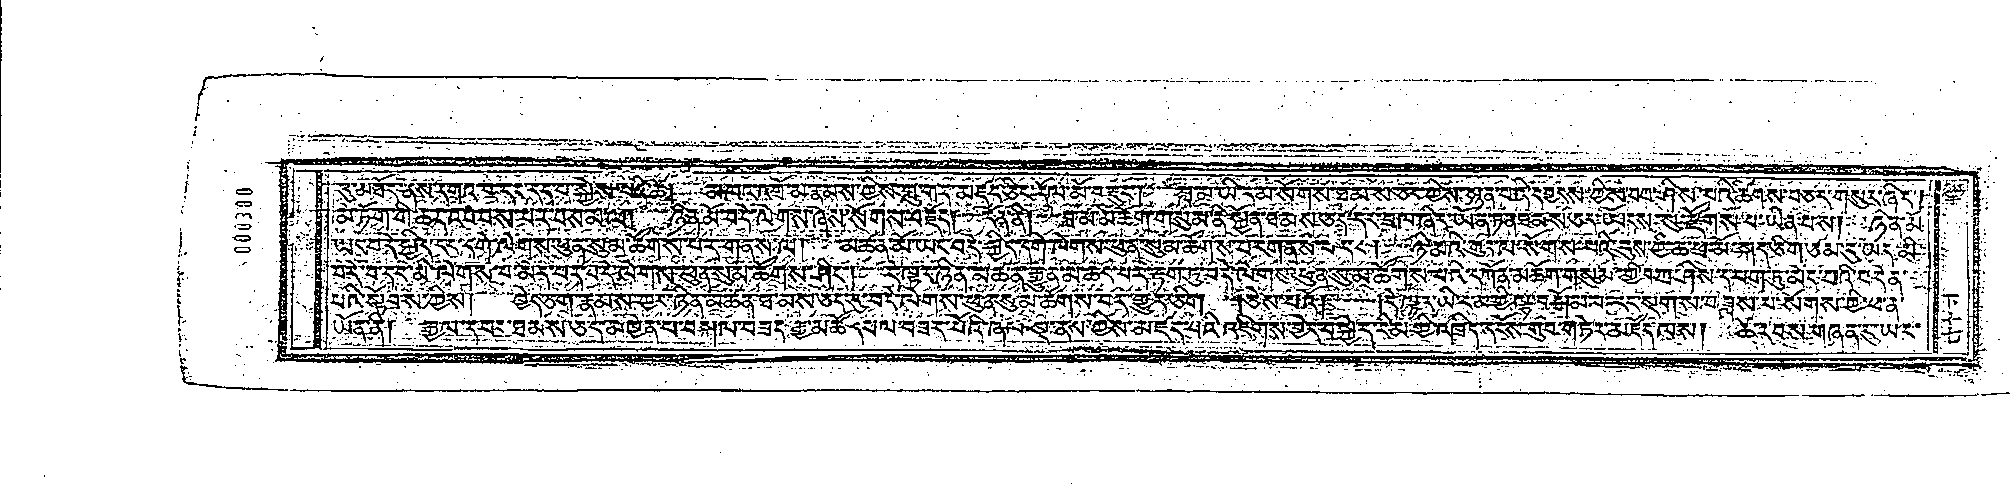དུ་མཐོང་ནས་དགའ་བ་དང་དད་པ་སྐྱེས་པའི་ཚེ། མཁའ་འགྲོ་མ་རྣམས་ཀྱིས་གླུ་གར་མཛད་ཅིང་རོལ་མོ་བརྡུང་། བླ་མ་ཡི་དམ་སོགས་ཐམས་ཅད་ཀྱིས་སྙན་པའི་དབྱངས་ཀྱིས་བཀྲ་ཤིས་པའི་ཚིགས་བཅད་གསུང་ཞིང་།
མེ་ཏོག་གི་ཆར་འབབས་པར་བསམ་ལ། ཉིན་མོ་བདེ་ལེགས་ཞེས་སོགས་བརྗོད། དོན་ནི། བླ་མ་མཆོག་གསུམ་ནི་སྐྱོན་ཐམས་ཅད་དང་བྲལ་ཞིང་ཡོན་ཏན་ཐམས་ཅད་ཡོངས་སུ་རྫོགས་པ་ཡིན་པས། ཉིན་མོ་
ཡང་བདེ་སྐྱིད་དང་དགེ་ལེགས་ཕུན་སུམ་ཚོགས་པར་གནས་ལ། མཚན་མོ་ཡང་བདེ་སྐྱིད་དགེ་ལེགས་ཕུན་སུམ་ཚོགས་པར་གནས་པ་དང་། ཉི་མའི་གུང་ལ་སོགས་པའི་དུས་ཀྱི་ཆ་ཕྲ་མོ་སྐད་ཅིག་ཙམ་དུ་ཡང་མི་
བདེ་བ་དང་མི་ལེགས་པ་མེད་པར་བདེ་ལེགས་ཕུན་སུམ་ཚོགས་ཤིང་། དེ་ལྟར་ཉིན་མཚན་རྒྱུན་མ་ཆང་པར་རྟག་ཏུ་བདེ་ལེགས་ཕུན་སུམ་ཚོགས་པའི་དཀོན་མཆོག་གསུམ་གྱི་བཀྲ་ཤིས་དཔག་ཏུ་མེད་པའི་བདེན་
པའི་སྟོབས་ཀྱིས། ཁྱེད་ཅན་རྣམས་ཀྱང་ཉིན་མཚན་ཐམས་ཅད་དུ་བདེ་ལེགས་ཕུན་སུམ་ཚོགས་པར་གྱུར་ཅིག །ཅེས་པའོ། །དེ་ལྟར་ཡི་དམ་གྱི་ལྷ་བསྒོམ་པ་དང་སྔགས་བཟླས་པ་སོགས་ཀྱི་ཕན་
ཡོན་ནོ། །རྒྱལ་དབང་ཐམས་ཅད་མཁྱེན་པ་བསྐལ་བཟང་རྒྱ་མཚོ་དཔལ་བཟང་པོའི་ཞལ་སྔ་ནས་ཀྱིས་མཛད་པའི་འཇིགས་བྱེད་བསྐྱེད་རིམ་གྱི་འཁྲིད་དངོས་གྲུབ་གཏེར་མཛོད་ལས། ཚེ་རབས་གཞན་རུ་ཡན་